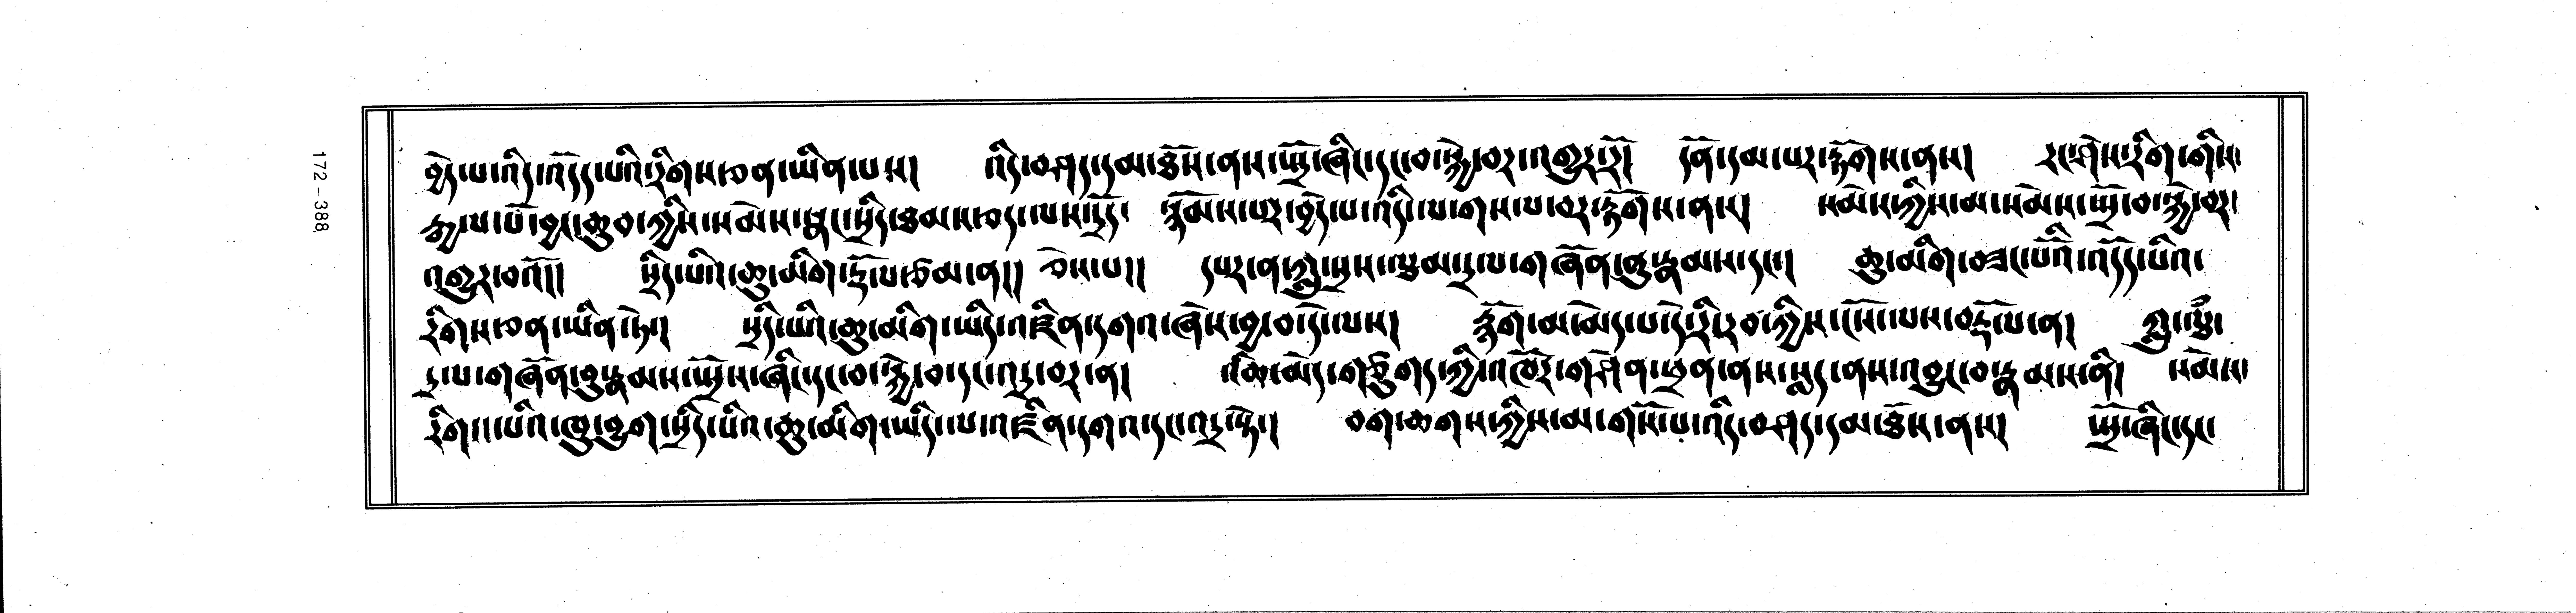བྱེད་པ་འདི་འདོད་པའི་རིགས་ཅན་ཡིན་པས། འདི་བཤད་དམ་ཐོས་ནས་སྤྲོ་ཞིང་དྭངས་བ་སྐྱེ་བར་འགྱུར་རོ། དོན་དམ་པར་རྟོགས་ནས། རང་ཤེས་རིག་གིས་
རྒྱལ་པོ་བྱང་ཆུབ་ཀྱིས་སེམས་སྣང་སྲིད་ཐམས་ཅད་ལས་དྲོད། སྙོམས་པར་བྱེད་པ་འདི་ལ་གསལ་བར་རྟོགས་ནས། སེམས་ཀྱིས་མ་སེམས་སྤྲོ་བ་སྐྱེ་བར་
འགྱུར་བའོ། སྲིད་པའི་ཆུ་མིག་རྡོལ་ཙམ་ན། ཅེས་པ། དཔེར་ན་ཀླུ་སྲས་ལྕམ་དྲལ་གཞོན་ནུ་རྣམས་དང་། ཆུ་མིག་བཟང་པོའི་འདོད་པའི་
རིགས་ཅན་ཡིན་ཏེ། སྲིད་པའི་ཆུ་མིག་ཡིས་འཛིན་དགའ་ཞེས་བྱ་བ་དེ་ལས། རྙོག་མ་མེད་པ་དེ་རི་རབ་ཀྱིས་ངོས་ལས་བརྡོལ་ན། ཀླུ་ལྕམ་
དྲལ་གཞོན་ནུ་རྣམས་སྤྲོས་ཞིང་དྭངས་བ་སྐྱེ་བ་དང་འདྲ་བར་ན། འཆི་མེད་གཙུག་ཕུད་ཀྱི་འཁོར་གཤེན་ཕྲན་ནས་སླད་ནས་འབྱུང་བ་རྣམས་ནི་སེམས་
རིག་པའི་ཁུ་བྱུག་སྲིད་པའི་ཆུ་མིག་ཡིད་ལ་འཛིན་དགའ་དང་འདྲ་སྟེ། བག་ཆགས་ཀྱིས་མ་གོས་པ་འདི་བཤད་དམ་ཐོས་ནས། སྤྲོ་ཞིང་དྭངས་བ་